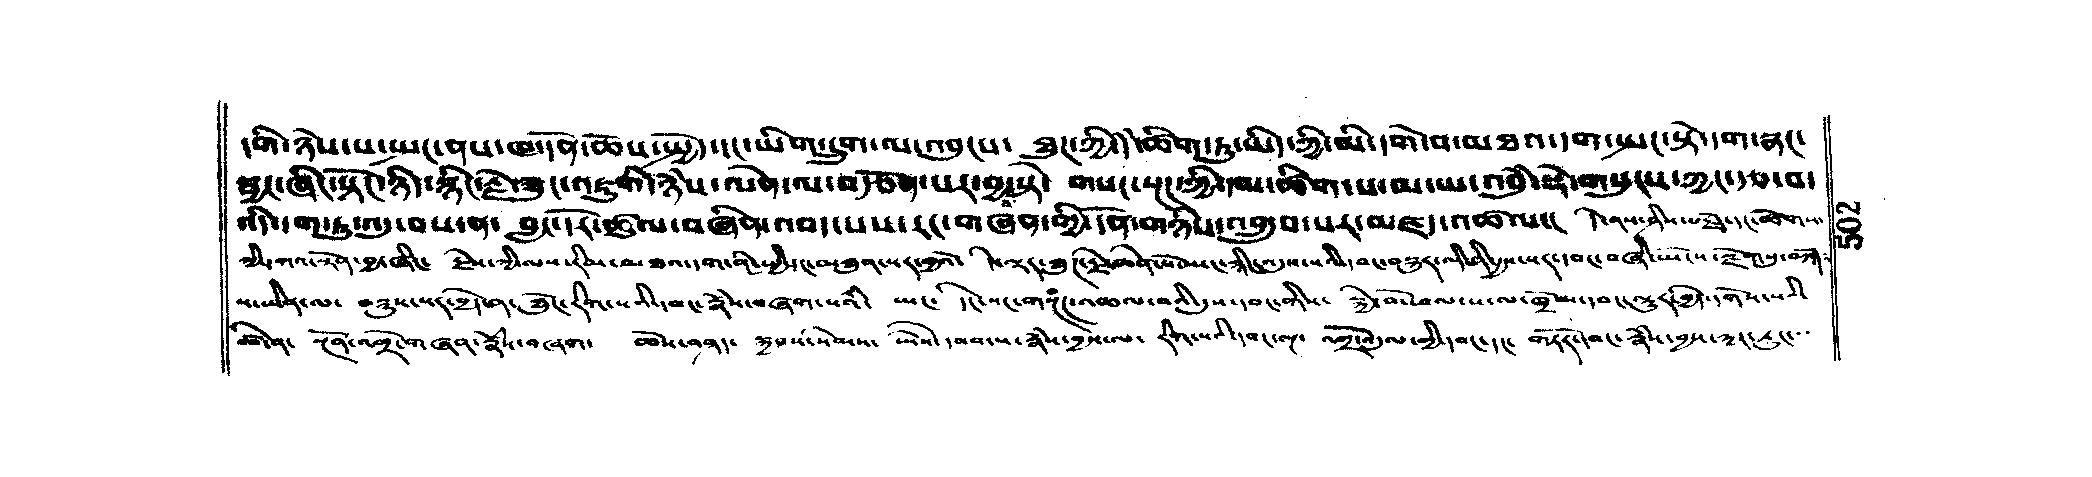ངག་གི་ཉེས་པ་སྤངས་ནས་ཁ་དོན་ཆོས་སྤྱོད་དང་ཡིག་དྲུག་ལ་འབུངས། ཐུགས་ཀྱི་དམ་ཚིག་ཏུ་ཡིད་ཀྱི་མི་དགེ་བ་མཐའ་དག་སྤང་སྟེ་དག་སྣང་
སྦྱང་ཞིང་སྟོང་ཉིད་སྙིང་རྗེ་ཟུང་འཇུག་གི་ཉམས་ལེན་ལ་བརྩོན་པར་བྱ་སྟེ། གསང་སྔགས་ཀྱི་དམ་ཚིག་ས་ཡ་འབུམ་སྡེ་གསུངས་ཀྱང་རྩ་བ་
འདི་དག་ཏུ་འདུ་བས་ན། བླང་ལདོར་ཚུལ་བཞིན་འབད་པས་རང་ལགཞན་གྱི་དོན་གཉིས་འགྲུབ་པར་མཛད་འཚལ། དེ་ནས་ཤིས་བརྗོད་དང་ཚོགས་
ཀྱི་དགའ་སྟོན་བྱ་ཞིང་། རྗེས་ཀྱི་ལས་རིམ་མཐའ་དག་ནི་སྤྱི་དང་མཐུན་པར་བྱའོ། དེ་ལྟར་ཐུགས་རྗེ་ཆེན་པོ་ཡང་སྙིང་འདུས་པའི་དབང་བསྐུར་འདི་ནི་རྒྱས་པར་དབང་བཞི་ཡོངས་རྫོགས་སུ་བཀོད་
པ་ཡིན་ལ། བསྡུས་པར་བྱེད་ན་ཐུན་མོང་རིག་པའི་དབང་རྣམས་བཞག་པའམ། ཡང་ན་དེང་སང་གསང་སྔགས་འཆལ་བའི་དུས་དབང་གིས། སྐྱེ་བོ་ཕལ་བ་ལ་ཁྲོམ་དབང་ལྟ་བུར་བྱེད་དགོས་པའི་
ཚེ་ན། སྔོན་འགྲོ་གཞན་རྣམས་བཞག་ཆོས་བཤད། སྐྱབས་སེམས། ཡེ་ཤེས་དབབ་པ་རྣམས་བྱས་ལ། རིག་པའི་དབང་ལྔ་། འགྲོ་འདུལ་གྱི་དབང་དང་། གཏོར་དབང་རྣམས་བྱས་ཀྱང་རུང་